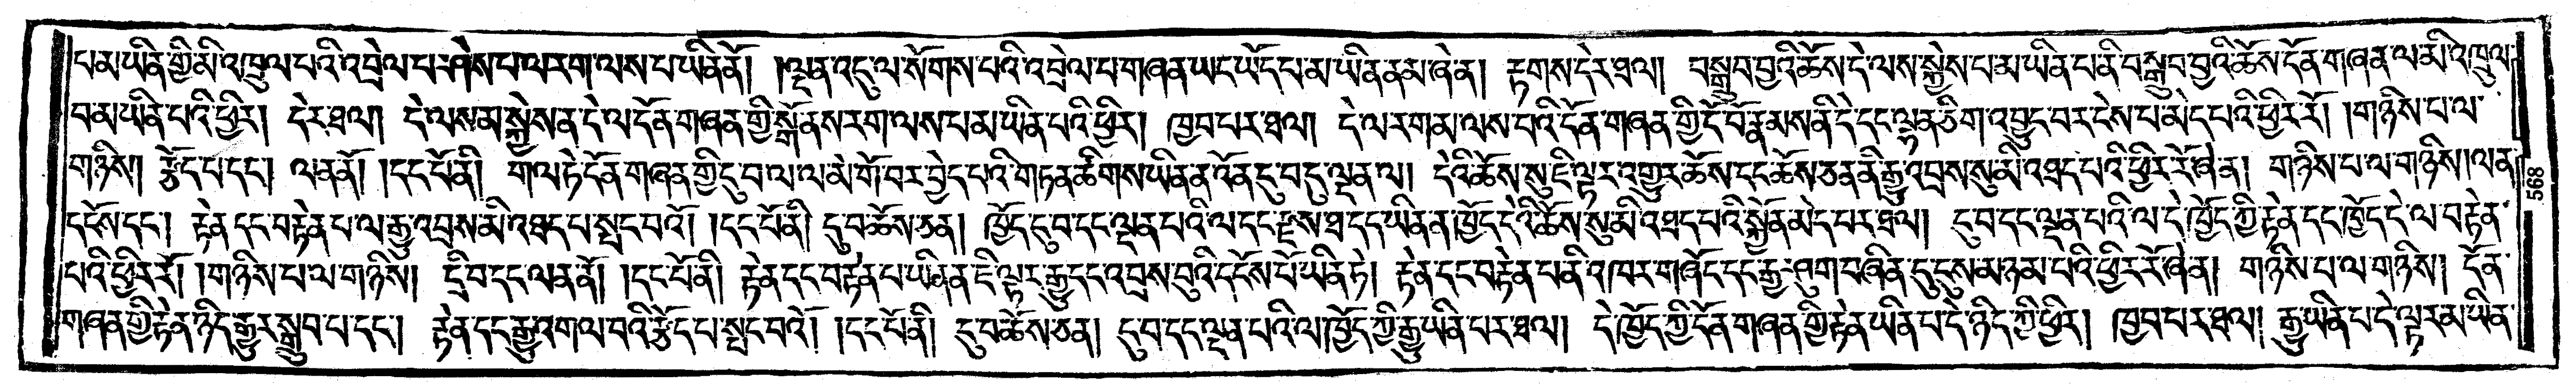པ་མ་ཡིན་གྱི་མི་འཁྲུལ་པའི་འབྲེལ་པ་ཤེས་པ་ལ་རག་ལས་པ་ཡིན་ནོ། །ལྡན་འདུ་ལ་སོགས་པའི་འབྲེལ་པ་གཞན་ཡང་ཡོད་པ་མ་ཡིན་ནམ་ཞེ་ན། རྟགས་དེར་ཐལ། བསྒྲུབ་བྱའི་ཆོས་དེ་ལས་སྐྱེས་པ་མ་ཡིན་པ་ནི་བསྒྲུབ་བྱའི་ཆོས་དོན་གཞན་ལ་མི་འཁྲུལ་
བ་མ་ཡིན་པའི་ཕྱིར། དེར་ཐལ། དེ་ལས་མ་སྐྱེས་ན་དེ་ལ་དོན་གཞན་གྱི་སྒོ་ནས་རག་ལས་པ་མ་ཡིན་པའི་ཕྱིར། ཁྱབ་པར་ཐལ། དེ་ལ་རག་མ་ལས་པའི་དོན་གཞན་གྱི་ངོ་བོ་རྣམས་ནི་དེ་དང་ལྷན་ཅིག་འབྱུང་བར་ངེས་པ་མེད་པའི་ཕྱིར་རོ། །གཉིས་པ་ལ་
གཉིས། རྩོད་པ་དང་། ལན་ནོ། །དང་པོ་ནི། གལ་ཏེ་དོན་གཞན་གྱི་དུ་བ་ལ་ལ་མེ་གོ་བར་བྱེད་པའི་གཏན་ཚིགས་ཡིན་ན་འོན་དུ་བ་དུ་ལྡན་ལ། དེའི་ཆོས་སུ་ཇི་ལྟར་འགྱུར་ཆོས་དང་ཆོས་ཅན་ནི་རྒྱུ་འབྲས་སུ་མི་འཐད་པའི་ཕྱིར་རོ་ཞེ་ན། གཉིས་པ་ལ་གཉིས། ལན་
དངོས་དང་། རྟེན་དང་བརྟེན་པ་ལ་རྒྱུ་འབྲས་མི་འཐད་པ་སྤང་བའོ། །དང་པོ་ནི། དུ་བ་ཆོས་ཅན། ཁྱོད་དུ་བ་དང་ལྡན་པའི་ལ་དང་རྫས་ཐ་དད་ཡིན་ན་ཁྱོད་དེའི་ཆོས་སུ་མི་འཐད་པའི་སྐྱོན་མེད་པར་ཐལ། དུ་བ་དང་ལྡན་པའི་ལ་དེ་ཁྱོད་ཀྱི་རྟེན་དང་ཁྱོད་དེ་ལ་བརྟེན་
པའི་ཕྱིར་རོ། །གཉིས་པ་ལ་གཉིས། དྲི་བ་དང་ལན་ནོ། །དང་པོ་ནི། རྟེན་དང་བརྟེན་པ་ཡིན་ན་ཇི་ལྟར་རྒྱུ་དང་འབྲས་བུའི་དངོས་པོ་ཡིན་ཏེ། རྟེན་དང་བརྟེན་པ་ནི་འཁར་གཞོང་དང་རྒྱ་ཤུག་བཞིན་དུ་དུས་མཉམ་པའི་ཕྱིར་རོ་ཞེ་ན། གཉིས་པ་ལ་གཉིས། དོན་
གཞན་གྱི་རྟེན་ཉིད་རྒྱུར་སྒྲུབ་པ་དང་། རྟེན་དང་རྒྱུ་འགལ་བའི་རྩོད་པ་སྤང་བའོ། །དང་པོ་ནི། དུ་བ་ཆོས་ཅན། དུ་བ་དང་ལྡན་པའི་ལ་ཁྱོད་ཀྱི་རྒྱུ་ཡིན་པར་ཐལ། དེ་ཁྱོད་ཀྱི་དོན་གཞན་གྱི་རྟེན་ཡིན་པ་དེ་ཉིད་ཀྱི་ཕྱིར། ཁྱབ་པར་ཐལ། རྒྱུ་ཡིན་པ་དེ་ལྟར་མ་ཡིན་